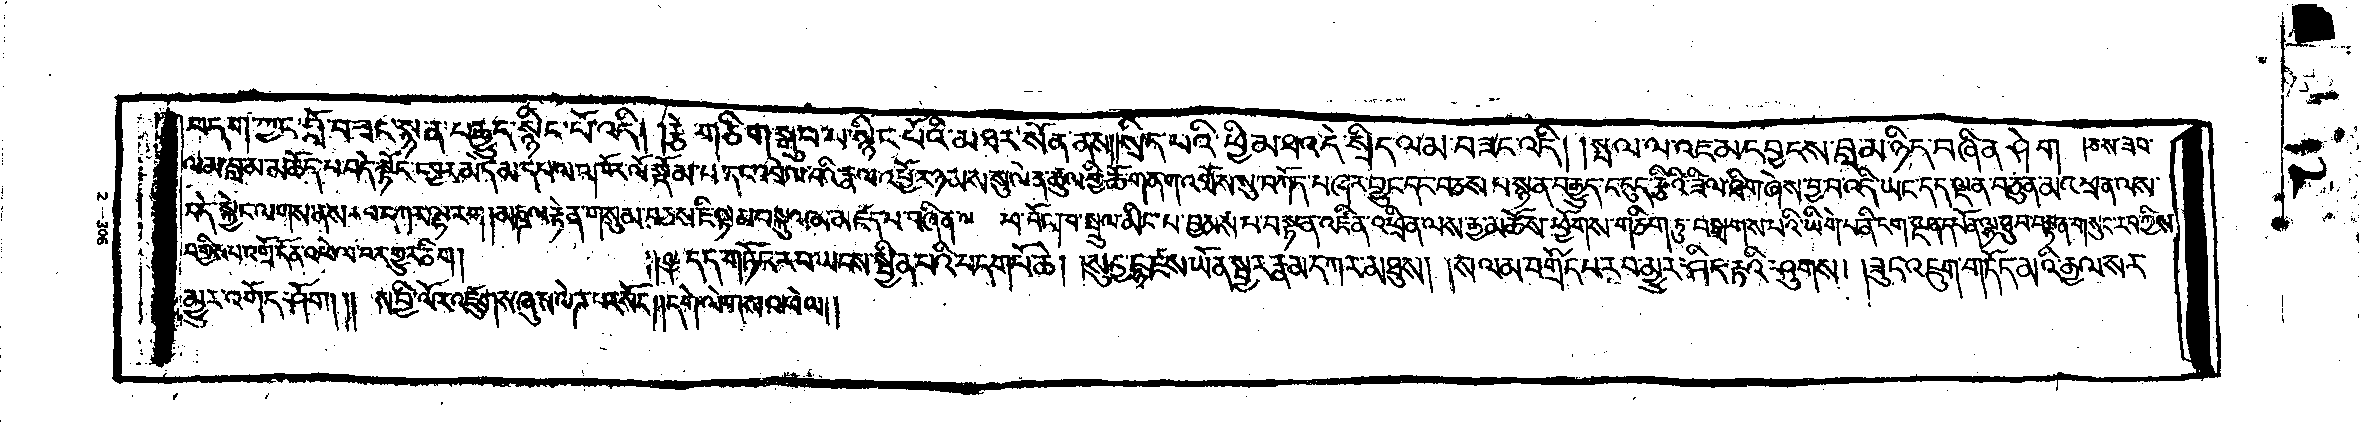བདག་ཀྱང་བློ་བཟང་སྙན་བརྒྱུད་སྙིང་པོ་འདི། །རྩེ་གཅིག་སྒྲུབ་པ་སྙིང་པོའི་མཐར་སོན་ནས། །སྲིད་པའི་ཕྱི་མཐའ་དེ་སྲིད་ལམ་བཟང་འདི། །སྤལ་ལ་འཇམ་དབྱངས་བླ་མ་ཉིད་བཞིན་ཤེག་ཅས་ཟབ་
ལམ་བླ་མ་མཆོད་པ་བདེ་སྟོང་དབྱར་མེད་མ་དཔལ་འཁོར་ལོ་སྡོམ་པ་དང་འབྲེལ་པའི་རྣལ་འབྱོར་ཉམས་སུ་ལེན་ཚུལ་གྱི་ཆོག་གན་ག་འགྲོས་སུ་བཀོད་པ་ཞར་བྱུང་དང་བཅས་པ་སྙན་བརྒྱུད་ད་དུད་རྩིའི་ཟིལ་ཐིག་ཞེས་བྱ་བ་འདི་ཡང་དད་ལྡན་བཅུན་མ་འཕྲན་ལས་
བདེ་སྐྱིད་ལེགས་ནས་རབ་དཀར་ལྷ་རག །མཎྜལ་རྟེན་གསུམ་བཅས་ཇི་ལྟ་མ་བསྐུལ་མ་མཛད་པ་བཞིན ༧་ཕ་བོང་ཁ་སྤྲུལ་མིང་པ་བྱམས་པ་བསྟན་འཛིན་འཕྲིན་ལས་རྒྱ་མཚོས་ཕྱོགས་གཅིག་ཏུ་བསྒྲགས་པའི་ཡི་གེ་པ་ནི་ངག་ལྡན་དཔོན་ལྷ་ཐུབ་བསྟན་གསུང་རབ་ཀྱིས་
བགྱིས་པ་འགྲོ་དོན་འཕེལ་བར་གྱུར་ཅིག། །།༈ དད་གཏོང་རབ་ཡངས་སྦྱིན་པའི་བདག་པོ་ཆེ། །སུདྱངྷ་ཛས་ཡོན་སྦྱར་རྣམ་དཀར་མཐུས། །ས་ལམ་བགྲོད་པར་བ་མྱུར་ཤིང་རྟའི་ཤུགས། །ཟུང་འཇུག་གཏོད་མའི་རྒྱལ་སར་
མྱུར་འགོད་ཤོག །།ས་བྱི་ལོར་འཛུགས་ཞུས་ལེཌ་པར་སོང་། །དགེ་ལེགས་འཕེལ།།